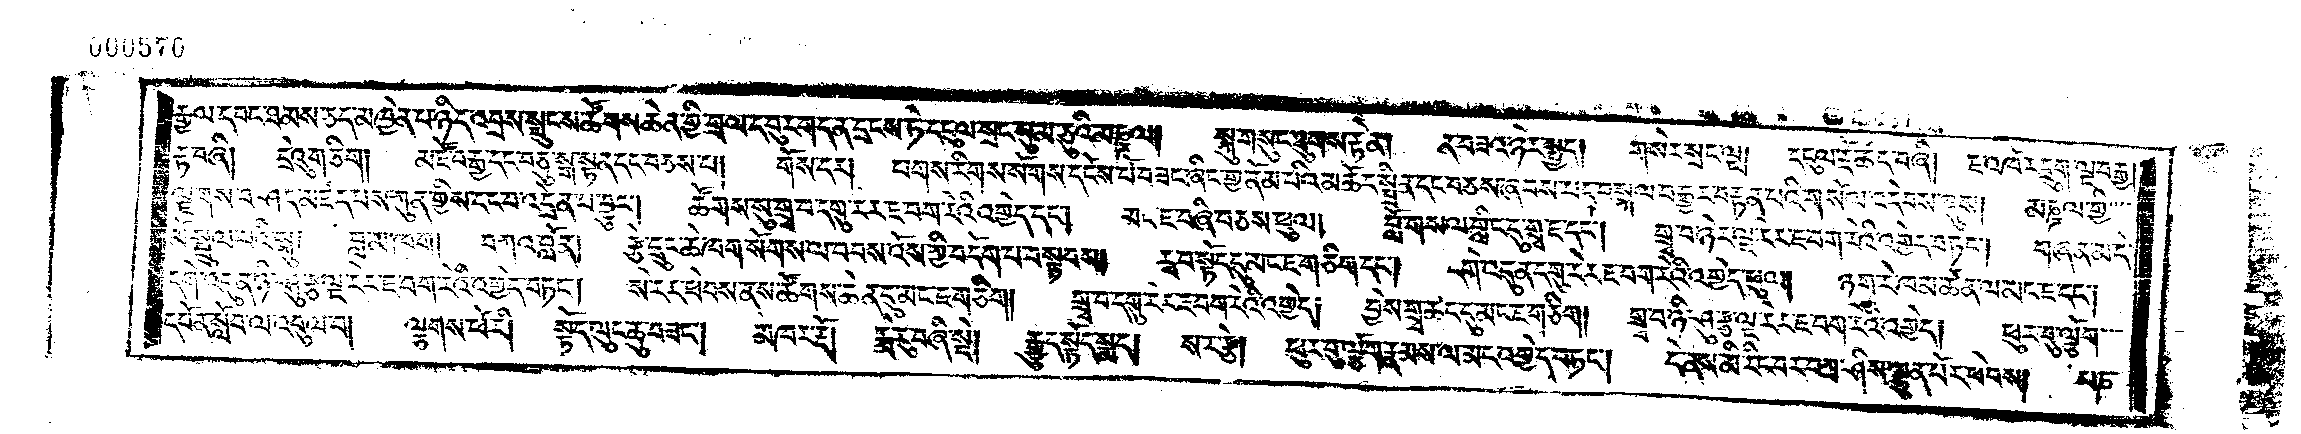རྒྱལ་དབང་ཐམས་ཅད་མཁྱེན་པ་ཉིད་འབྲས་སྤུངས་ཚོགས་ཆེན་གྱི་གྲལ་དབུར་གདན་དྲངས་ཏེ་དངུལ་སྲང་སུམ་ཅུའི་མཎྜལ། སྐུ་གསུང་ཐུགས་རྟེན། ན་བཟའ་ཉེར་སྤྱད། གསེར་སྲང་ལྔ། དངུལ་རྡོ་ཚང་བཞི། ཇ་འཁོར་དྲུག་ལྔ་བརྒྱ།
རྟ་བཞི། དྲེའུ་གཅིག། མཛོ་བརྒྱ་དང་བཅུ་སྒ་སྟན་དང་བཅས་པ། གོས་དར། བགས་རིགས་སོགས་དངོས་པོ་བཟང་ཞིང་གྱ་ནོམ་པའི་མཆོད་སྤྲིན་དང་བཅས་ཞབས་པད་བསྐལ་བརྒྱར་བརྟན་པའི་གསོལ་འདེབས་ཞུས། མཎྜལ་གྱི་
ལྗགས་བཤད་མཛད་པས་ཀུན་གྱིས་དང་པ་འདྲེན་པ་བྱུང་། ཚོགས་སུ་གྲྭ་བ་དགུ་རེར་ཇ་བག་རེའི་འགྱེད་དང་། མང་ཇ་བཞི་བཅས་ཕུལ། བློ་གསལ་གླིང་དུ་གྲྭ་ཇ་དང་། གྲྭ་བ་ཉེར་ལྔ་རེར་ཇ་བག་རེའི་འགྱེད་བཏང་། གཞན་མ་དེ་
མོ་སྤྲུལ་པའི་སྐུ། བླ་མ་ཁག། བཀའ་བློན། རྩེ་དྲུང་ཆེ་ཁག་སོགས་ལ་བབས་འོས་ཀྱི་བདོག་པ་བསྟབས། རྭ་བ་སྟོད་དུ་མང་ཇ་གཅིག་དང་། དགེ་འདུན་དགུ་རེར་ཇ་བག་རེའི་འགྱེད་ཕུལ། ཉག་རེ་ཁམ་ཚན་ལ་མང་ཇ་དང་།
དགེ་འདུན་ཉི་ཤུ་རྩ་ལྔ་རེར་ཇ་བག་རེའི་འགྱེད་བཏང་། སེ་རར་ཕེབས་ནས་ཚོགས་ཆེན་དུ་མང་ཇ་གཅིག། གྲྭ་བ་དགུ་རེར་ཇ་བག་རེའི་འགྱེད། བྱེས་གྲྭ་ཚང་དུ་མང་ཇ་གཅིག། གྲྭ་བ་ཉི་ཤུ་རྩ་ལྔ་རེར་ཇ་བག་རེའི་འགྱེད། ཕུར་བུ་ལྕོག་
དབོན་སློབ་ལ་འབུལ་བ། ལྕགས་ཕོ་རི། སྟོད་ལུང་ཆུ་བཟང་། མཁར་རྡོ། རྨེ་རུ་བཞི་སྡེ། རྒྱུད་སྟོད་སྨད། ས་ར་རྩེ། ཕུར་བུ་ལྕོག་རྣམས་ལ་མང་འགྱེད་བཏང་། དེ་ནས་མི་རིང་བར་བཀྲ་ཤིས་ལྷུན་པོར་ཕེབས། པཎ་